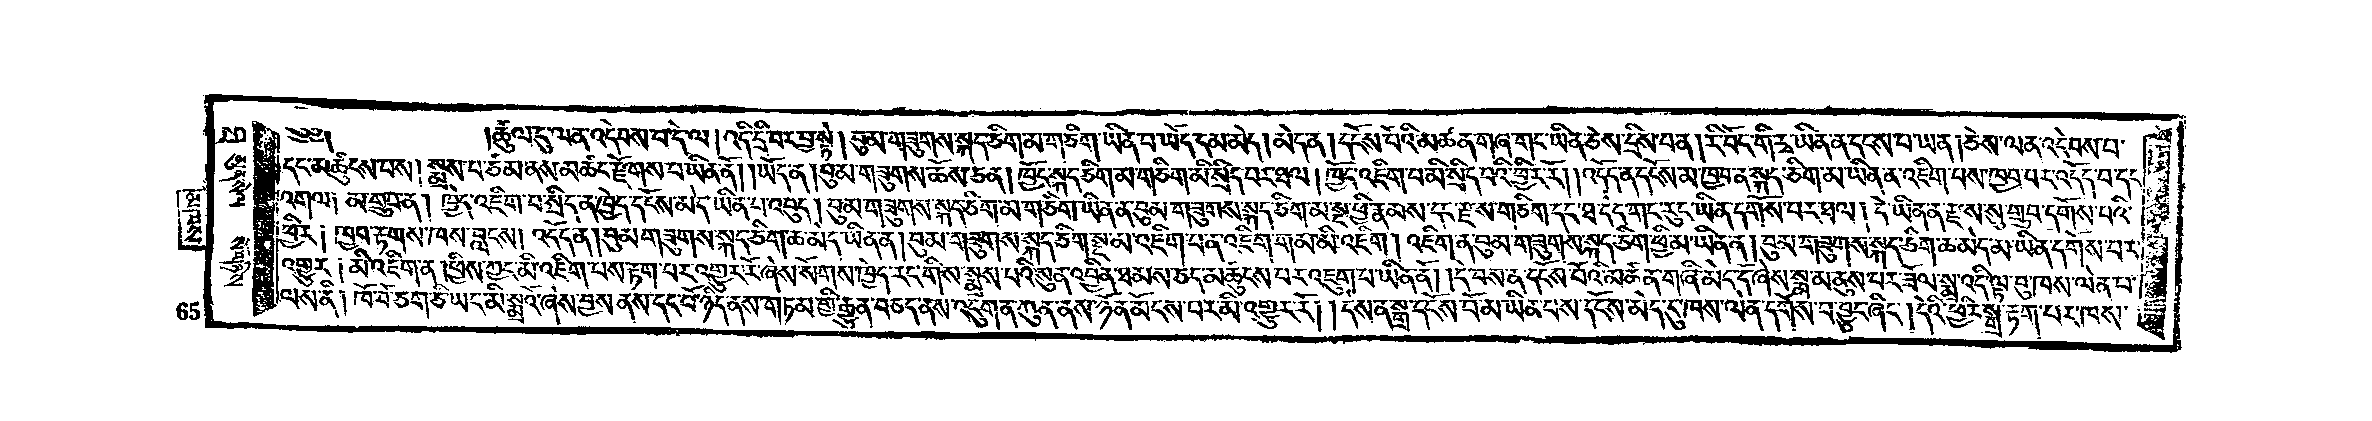༄༅། །ཚུལ་དུ་ལན་འདེབས་པ་དེ་ལ། འདི་དྲི་བར་བྱ་སྟེ། བུམ་གཟུགས་སྐད་ཅིག་མ་གཅིག་ཡིན་བ་ཡོད་དམ་མེད། མེད་ན། དངོས་པོའི་མཚན་གཞི་གང་ཡིན་ཅེས་དྲིས་པ་ན། རི་བོང་གི་རྭ་ཡིན་ན་དངོས་པོ་ཡིན། ཅེས་ལན་འདེབས་པ་
དང་མཚུངས་པས། སྨྲས་པ་ཙམ་ནས་མཚོད་རྫོགས་པ་ཡིན་ནོ། །ཡོད་ན། བུམ་གཟུགས་ཆོས་ཅན། ཁྱོད་སྐད་ཅིག་མ་གཅིག་མི་སྲིད་པར་ཐལ། ཁྱོད་འཇིག་པ་མི་སྲིད་པའི་ཕྱིར་རོ། །འདོད་ན་དངོས་མ་ཁྱབ་ན་སྐད་ཅིག་མ་ཡིན་ན་འཇིག་པས་ཁྱབ་པར་འདོད་པ་དང་
འགལ། མ་གྲུབ་ན། ཁྱེད་འཇིག་པ་སྲིད་ན་ཁྱོད་དངོས་མེད་ཡིན་པ་འབུད། བུམ་གཟུགས་སྐད་ཅིག་མ་གཅིག་ཡིན་ན་བུམ་གཟུགས་སྐད་ཅིག་མ་སྔ་ཕྱི་རྣམས་དང་རྫས་གཅིག་དང་ཐ་དད་གང་རུང་ཡིན་དགོས་པར་ཐལ། དེ་ཡིན་ན་རྫས་སུ་གྲུབ་དགོས་པའི་
ཕྱིར། ཁྱབ་རྟགས་ཁས་བླངས། འདོད་ན། བུམ་གཟུགས་སྐད་ཅིག་ཆ་མེད་ཡིན་ན། བུམ་གཟུགས་སྐད་ཅིག་སྔ་མ་འཇིག་པ་ན་འཇིག་གམ་མི་འཇིག། འཇིག་ན་བུམ་གཟུགས་སྐད་ཅིག་ཕྱི་མ་ཡིན་ན། བུམ་གཟུགས་སྐད་ཅིག་ཆ་མེད་མ་ཡིན་དགོས་པར་
འགྱུར། མི་འཇིག་ན། ཕྱིས་ཀྱང་མི་འཇིག་པས་རྟག་པར་འགྱུར་རོ་ཞེས་སོགས་ཁྱེད་རང་གིས་སྨྲས་པའི་སུན་འབྱིན་ཐམས་ཅད་མཚུངས་པར་འཇུག་པ་ཡིན་ནོ། །དེ་བས་ན་དངོས་པོའི་མཚན་གཞི་མེད་དོ་ཞེས་སྨྲ་མ་ནུས་པར་ཟོལ་སྨྲ་འདི་ལྟ་བུ་ཁས་ལེན་པ་
ལས་ནི། ཁོ་བོ་ཅག་ཅི་ཡང་མི་སྨྲའོ་ཞེས་བྱས་ནས་དང་པོ་ཉིད་ནས་གཏམ་གྱི་རྒྱུན་བཅད་ནས་འདུག་ན་ཀུན་ནས་ཉོན་མོངས་པར་མི་འགྱུར་རོ། །དེས་ན་སྒྲ་དངོས་པོ་མ་ཡིན་པས་དངོས་མེད་དུ་ཁས་ལེན་དགོས་པ་བྱུང་ཞིང་། དེའི་ཕྱིར་སྒྲ་རྟག་པར་ཁས་